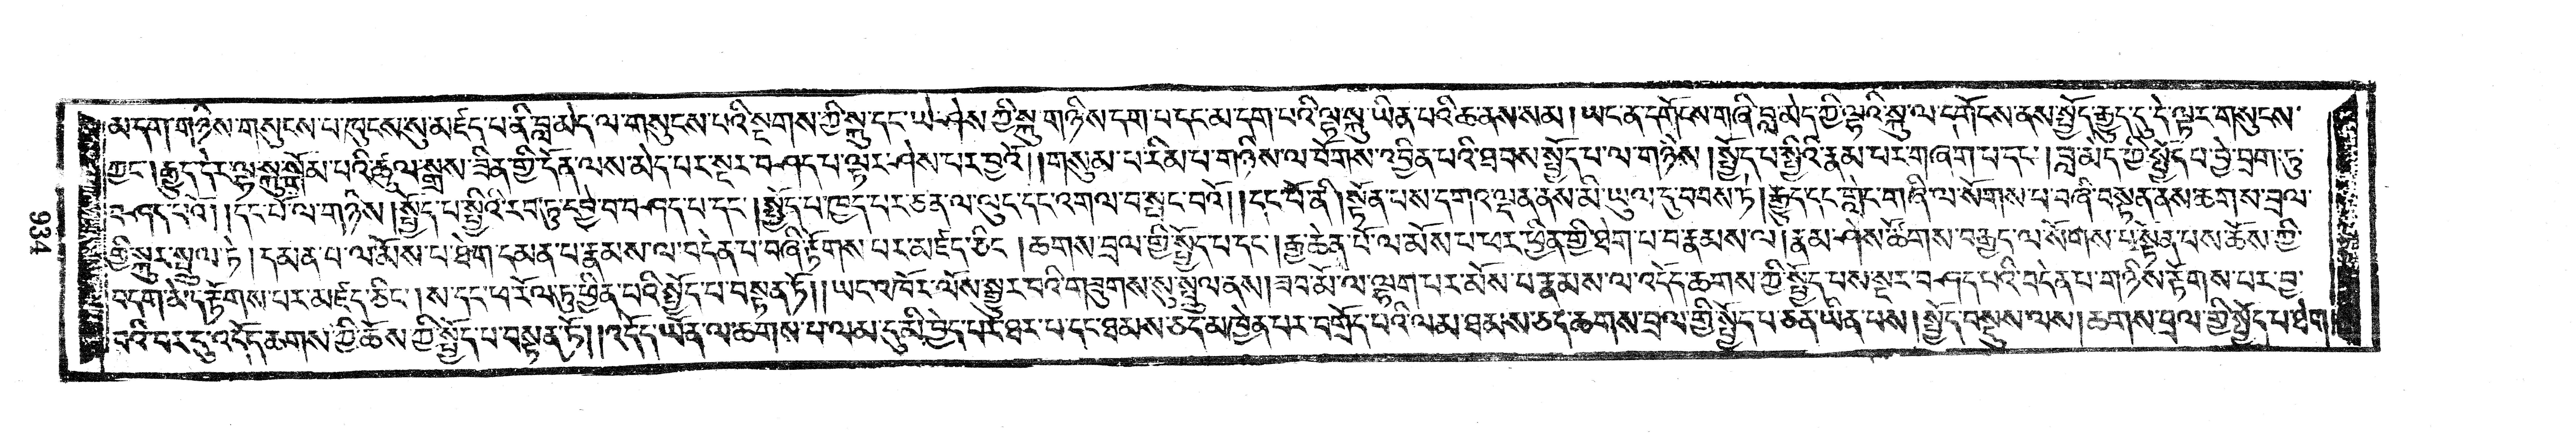མ་དག་གཉིས་གསུངས་པ་ཁུངས་སུ་མཛད་པ་ནི་བླ་མེད་ལ་གསུངས་པའི་སྔགས་ཀྱི་སྐུ་དང་ཡེ་ཤེས་ཀྱི་སྐུ་གཉིས་དག་པ་དང་མ་དག་པའི་ལྷ་སྐུ་ཡིན་པའི་ཆ་ནས་སམ། ཡང་ན་དགོངས་གཞི་བླ་མེད་ཀྱི་ལྷའི་སྐུ་ལ་དགོངས་ནས་སྤྱོད་རྒྱུད་དུ་དེ་ལྟར་གསུངས་
ཀྱང་། རྒྱུད་དེར་ལྷ་སྐུ་སྒོམ་པའི་ཚུལ་སྒྲས་ཟིན་གྱི་དོན་ལས་མེད་པར་སྔར་བཤད་པ་ལྟར་ཤེས་པར་བྱའོ། །གསུམ་པ་རིམ་པ་གཉིས་ལ་བོགས་འབྱིན་པའི་ཐབས་སྤྱོད་པ་ལ་གཉིས། སྤྱོད་པ་སྤྱིའི་རྣམ་པར་གཞག་པ་དང་། བླ་མེད་ཀྱི་སྤྱོད་པ་བྱེ་བྲག་ཏུ་
བཤད་པའོ། །དང་པོ་ལ་གཉིས། སྤྱོད་པ་སྤྱིའི་རབ་ཏུ་དབྱེ་བ་བཤད་པ་དང་། སྤྱོད་པ་ཁྱད་པར་ཅན་ལ་ལུང་དང་འགལ་བ་སྤང་བའོ། །དང་པོ་ནི། སྟོན་པས་དགའ་ལྡན་ནས་མི་ཡུལ་དུ་བབས་ཏེ། རྒྱུད་དང་གླེང་གཞི་ལ་སོགས་པ་བཞི་བསྟན་ནས་ཆགས་བྲལ་
གྱི་སྐུར་སྤྲུལ་ཏེ། དམན་པ་ལ་མོས་པ་ཐེག་དམན་པ་རྣམས་ལ་བདེན་པ་བཞི་རྟོགས་པར་མཛད་ཅིང་། ཆགས་བྲལ་གྱི་སྤྱོད་པ་དང་། རྒྱ་ཆེན་པོ་ལ་མོས་པ་ཕར་ཕྱིན་གྱི་ཐེག་པ་བ་རྣམས་ལ། རྣམ་ཤེས་ཚོགས་བརྒྱད་ལ་སོགས་པ་སྟོན་པས་ཆོས་ཀྱི་
བདག་མེད་རྟོགས་པར་མཛད་ཅིང་། ས་དང་ཕ་རོལ་ཏུ་ཕྱིན་པའི་སྤྱོད་པ་བསྟན་ཏོ། །ཡང་འཁོར་ལོས་སྒྱུར་བའི་གཟུགས་སུ་སྤྲུལ་ནས། ཟབ་མོ་ལ་ལྷག་པར་མོས་པ་རྣམས་ལ་འདོད་ཆགས་ཀྱི་སྤྱོད་པས་སྔར་བཤད་པའི་བདན་པ་གཉིས་རྟོགས་པར་བྱ་
བའི་བར་དུ་འདོད་ཆགས་ཀྱི་ཆོས་ཀྱི་སྤྱོད་པ་བསྟན་ཏོ། །འདོད་ཡོན་ལ་ཆགས་པ་ལམ་དུ་མི་བྱེད་པར་ཐར་པ་དང་ཐམས་ཅད་མཁྱེན་པར་བགྲོད་པའི་ལམ་ཐམས་ཅད་ཆགས་བྲལ་གྱི་སྤྱོད་པ་ཅན་ཡིན་པས། སྤྱོད་བསྡུས་ལས། ཆགས་བྲལ་གྱི་སྤྱོད་པ་ཐེག་